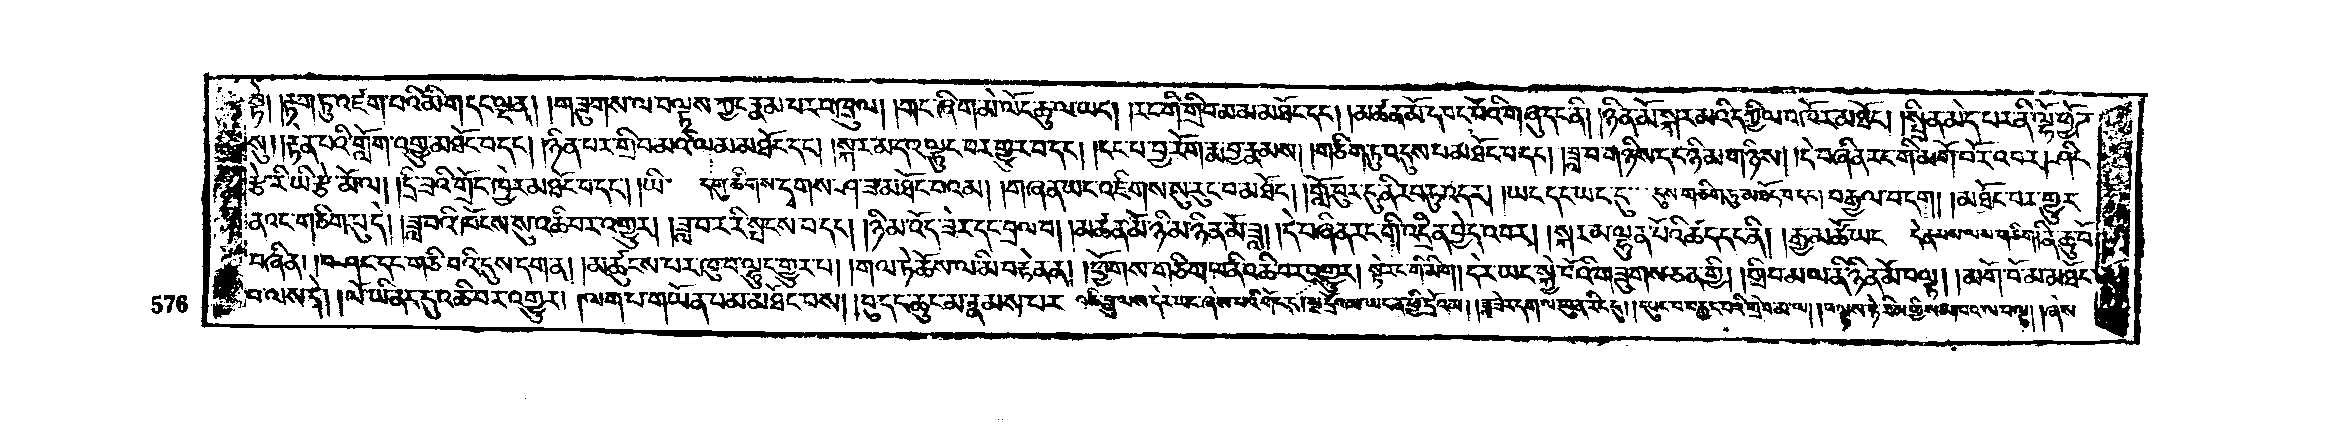སྟེ། །རྟག་ཏུ་འཛག་པའི་མིག་དང་ལྡན། །གཟུགས་ལ་བལྟས་ཀྱང་རྣམ་པར་འཁྲུལ། །གང་ཞིག་མེ་ལོང་ཆུ་ལ་ཡང་། །རང་གི་གྲིབ་མ་མ་མཐོང་དང་། །མཚན་མོ་དབང་པོའི་གཞུ་དང་ནི། །ཉིན་མོ་སྐར་མའི་དཀྱིལ་འཁོར་མཐོང་། །སྤྲིན་མེད་པར་ནི་ལྷོ་ཕྱོགས་
སུ། །རྟེན་པའི་གློག་འགྱུ་མཐོང་བ་དང་། །ཉིན་པར་གྲིབ་མའི་ལམ་དགུ་ཚིགས་མཐོང་དང་། །སྐར་མདའ་ལྟུང་བར་གྱུར་བ་དང་། །ངང་པ་བྱ་རོག་རྨ་བྱ་རྣམས། །གཅིག་ཏུ་འདུས་པ་མཐོང་བ་དང་། །ཟླ་བ་གཉིས་དང་ཉི་མ་གཉིས། །དེ་བཞིན་རང་གི་མགོ་བོར་འབར། ཤིང་
རྩེ་རི་ཡི་རྩེ་མོ་ལ། །དྲི་ཟའི་གྲོང་ཁྱེར་མཐོང་བ་དང་། །ཡི་དྭགས་ཤ་ཟ་མཐོང་བའམ། །གཞན་ཡང་འཇིགས་སུ་རུང་བ་མཐོང་། །གློ་བུར་དུ་ནི་རབ་ཏུ་འདིར། ?་།ཡང་དང་ཡང་དུ་དུས་གཅིག་ཏུ་མཐོང་བ་དང་།  བརྒྱལ་བ་དག ། དེ་རྣམས་ལས་གཅིག །  །མཐོང་བར་གྱུར་
ནའང་གཅིག་པུ་དེ། །ཟླ་བའི་ཁོངས་སུ་འཆི་བར་འགྱུར། །ཟླ་བ་ར་རི་སྤངས་པ་དང་། །ཉི་མ་འོད་ཟེར་དང་བྲལ་བ། །མཚན་མོ་ཉི་མ་ཉིན་མོ་ཟླ། །དེ་བཞིན་རང་གི་སྟེ་རང་གི་མིག་འདྲིན་བྱེད་འབར། །སྐར་མ་ལྷུན་པོའི་ཚད་དང་ནི། །རྒྱ་མཚོ་ཡང་ནི་ཆུ་བོ་
བཞིན། །བཤང་དང་གཅི་བའི་དུས་དག་ན། །མཚུངས་པར་ཁུ་བ་ལྷུང་གྱུར་པ། །གལ་ཏེ་ཆོས་ལ་མི་བརྟེན་ན། །ཕྱོགས་གཅིག་ལ་ནི་འཆི་བར་འགྱུར། །དེར་ཡང་སྐྱེ་བོའི་གཟུགས་ཅན་གྱི། །གྲིབ་མ་ལ་ནི་ཉིན་མོ་བལྟ། །མགོ་བོ་མ་མཐོང་
བ་ལས་དེ། །ལོ་ཡི་ནང་དུ་འཆི་བར་འགྱུར། །ལག་པ་གཡོན་པ་མ་མཐོང་བས། །བུ་དང་ཆུང་མ་རྣམས་པར་འཆི་བླུ་ལས་དེར་ཡང་ཞེས་པའི་གོང་དུ། སྔ་དྲོའམ་ཡང་ན་ཕྱི་དྲོའམ། །ཟླ་ཟེར་དག་ལ་ཡུན་རིང་དུ། །དཔུང་བ་བརྒྱད་པའི་གྲེབ་མ་ལ། །བལྟས་ཏེ་རིམ་གྱིས་མཁའ་ལ་བལྟ། །ཞེས་